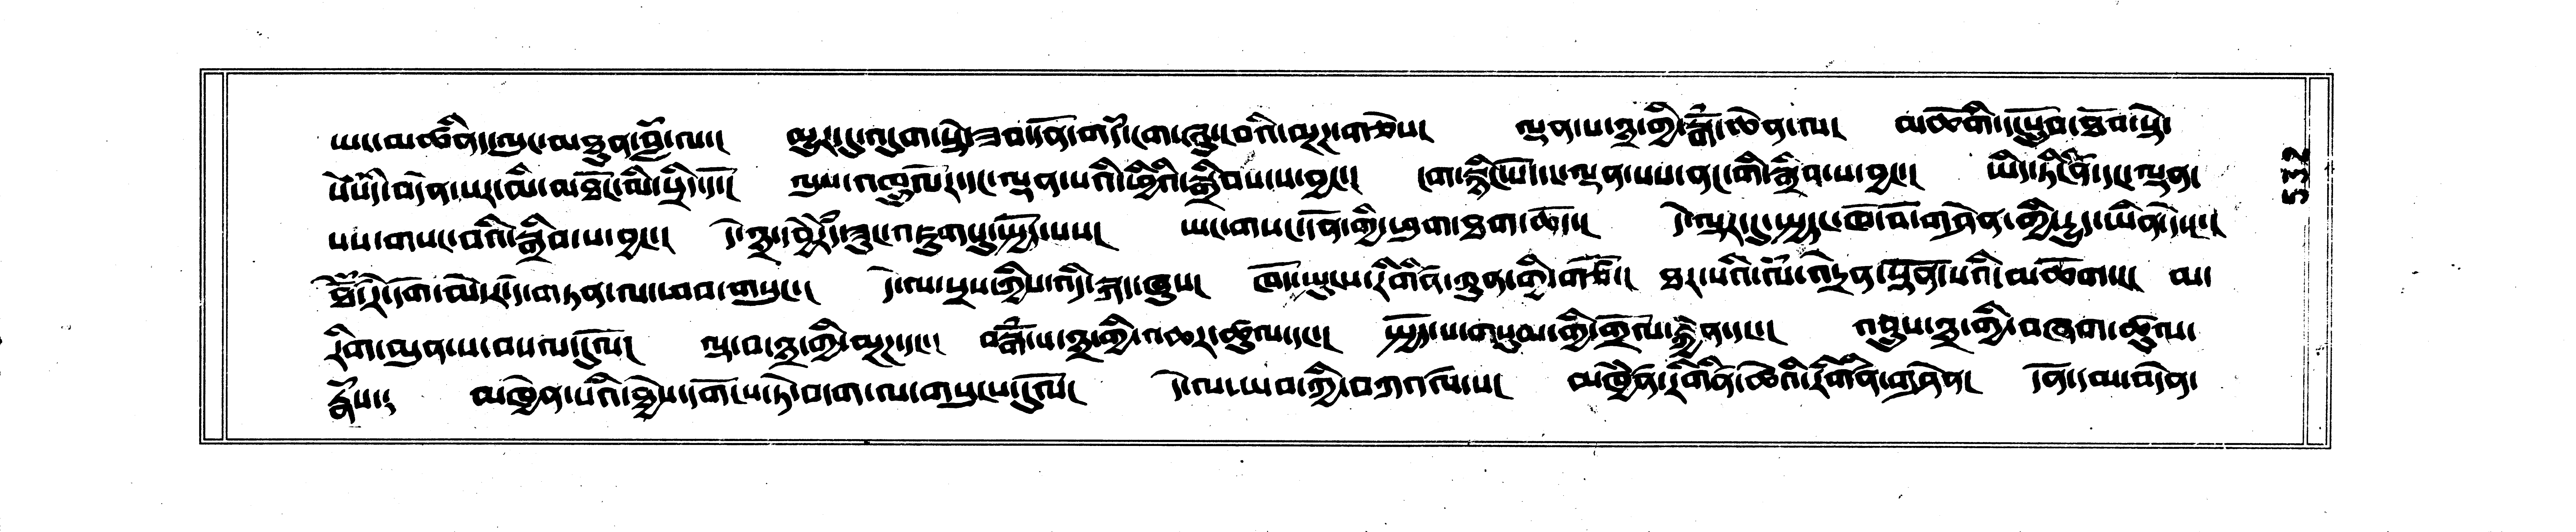ཡང་མཚན་ཉིད་ལུང་མཐུན་བླ་མ་ལ། མྱུར་དུ་གཏུག་སྟེ་ཟབ་དོན་གདམ་ངག་ཞུ་བའི་མེན་ངག་གཅེས་པའོ། ལྡན་པ་གསུམ་གྱི་སྒོམས་ཆེན་ལ། མཆོག་གིས་དངོས་གྲུབ་ཐོབ་སྟེ། 
སེམས་ཉིད་བདེན་པ་མི་མཐོང་མི་སྲིད་དོ། ལུས་འཁྲུལ་འཁོར་དང་ལྡན་པས་ཕྱིའི་སྒྲིབ་པ་སྦྱངས། ངག་སྙིང་པོ་དང་ལྡན་པས་ངག་གིས་སྒྲིབ་པ་སྦྱངས། ཡིད་ཏིང་འཛིན་དང་ལྡན་
པས་གསང་བའི་སྒྲིབ་པ་སྦྱངས། དེ་གསུམ་དབྱེར་མེད་ཟུང་འཇུག་ཏུ་སྤྱོད་པས། ཡང་གསང་དོན་གྱི་ཕུ་ཐག་ཆོད། དེ་ལྟར་སྤྱོད་པ་དེ་ཁོ་བོ་གཤེན་གྱིས་རྒྱུད་ཡིན་ངེས། 
ཐོ་ཚོམ་རེ་དོག་མེད་དེ་ངོའོ་དེ་ཀ་གཏན་ལ་ཕོབ་གསུངས། དེ་ལ་སྲས་ཀྱི་༼ཀྱིས༽འདི་སྐད་ཞུས། ཁོད་སྤུངས་རིག་འཛིན་ཀུན་༼གྱི༽གཙོ། ཐར་པའི་ལམ་འདྲེན་སྟོན་པའི་མཆོག མ་
རིག་མུན་པ་བསལ་དུ་གསོལ། ལྟ་བ་གསུམ་གྱིས་མེན་ངག་དང་། སྒོམ་པ་གསུམ་གྱིས་འཆར་ཚུར་དང་། སྤྱོད་པ་གསུམ་གྱིས་གྲོལ་རྐྱེན་དང་། འབྲས་བུ་གསུམ་གྱིས་བཞག་ཚུལ་
རྣམས། མཁྱེན་པའི་ཐུགས་ལ་དགོངས་སྟེ་བདག་ལ་གསུངས་དུ་གསོལ། དེ་ལ་ཡབ་ཀྱིས་བཀའ་སྩལ་པ། མཁྱེན་བརྩེ་རིག་འཛིན་ཚེའི་གཤེན། དོན་དམ་བདེན་